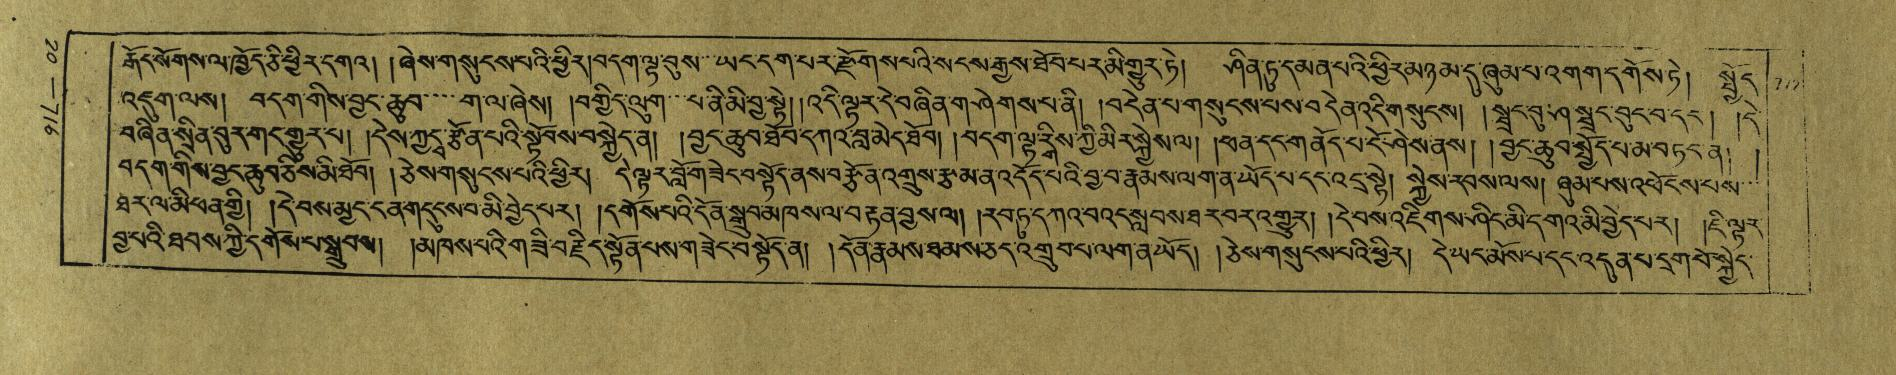རྒོད་སོགས་ལ་ཁྱོད་ཅི་ཕྱིར་དགའ། །ཞེས་གསུངས་པའི་ཕྱིར། བདག་ལྟ་བུས་ཡང་དག་པར་རྫོགས་པའི་སངས་རྒྱས་ཐོབ་པར་མི་གྱུར་ཏེ། ཤིན་ཏུ་དམན་པའི་ཕྱིར་མཉམ་དུ་ཞུམ་པ་འགག་དགོས་ཏེ། སྤྱོད་
འཇུག་ལས། བདག་གིས་བྱང་ཆུབ་ག་ལ་ཞེས། །བགྱིད་ལུག་པ་ནི་མི་བྱ་སྟེ། །འདི་ལྟར་དེ་བཞིན་གཤེགས་པ་ནི། །བདེན་པ་གསུངས་པས་བདེན་འདི་གསུངས། །སྦྲང་བུ་ཤ་སྦྲང་བུང་བ་དང་། །དེ་
བཞིན་སྲིན་བུར་གང་གྱུར་པ། །དེས་ཀྱང་རྩོན་པའི་སྟོབས་བསྐྱེད་ན། །བྱང་ཆུབ་ཐོབ་དཀའ་བླ་མེད་ཐོབ། །བདག་ལྟ་རིགས་ཀྱི་མིར་སྐྱེས་ལ། །ཕན་དང་གནོད་པ་ངོ་ཤེས་ནས། །བྱང་ཆུབ་སྤྱོད་པ་མ་བཏང་ན། །
བདག་གིས་བྱང་ཆུབ་ཅིས་མི་ཐོབ། །ཅེས་གསུངས་པའི་ཕྱིར། དེ་ལྟར་བློ་གཟེང་བསྟོད་ནས་བརྩོན་འགྲུས་རྩམ་ན་འདོད་པའི་བྱ་བ་རྣམས་ལ་ག་ན་ཡོད་པ་དང་འདྲ་སྟེ། སྐྱེས་རབས་ལས། ཞུམ་པས་འཕོངས་པས་
ཐར་ལ་མི་ཕན་གྱི། །དེ་བས་མྱང་ངན་གདུངས་བ་མི་བྱེད་པར། །དགོས་པའི་དོན་སྒྲུབ་མཁས་ལ་བརྟན་བྱས་ལ། །རབ་ཏུ་དཀའ་བའང་སླབས་ཐར་བར་འགྱུར། །དེ་བས་འཇིགས་ཤིང་མི་དགའ་མི་བྱེད་པར། །ཇི་ལྟར་
བྱ་པའི་ཐབས་ཀྱི་དགོས་པ་སྒྲུབས། །མཁས་པའི་གཟི་བརྗིད་སྟོན་པས་གཟེང་བསྟོད་ན། །དོན་རྣམས་ཐམས་ཅད་འགྲུབ་པ་ལག་ན་ཡོད། །ཅེས་གསུངས་པའི་ཕྱིར། དེ་ཡང་མོས་པ་དང་འདུན་པ་དྲག་པོ་སྐྱེད་